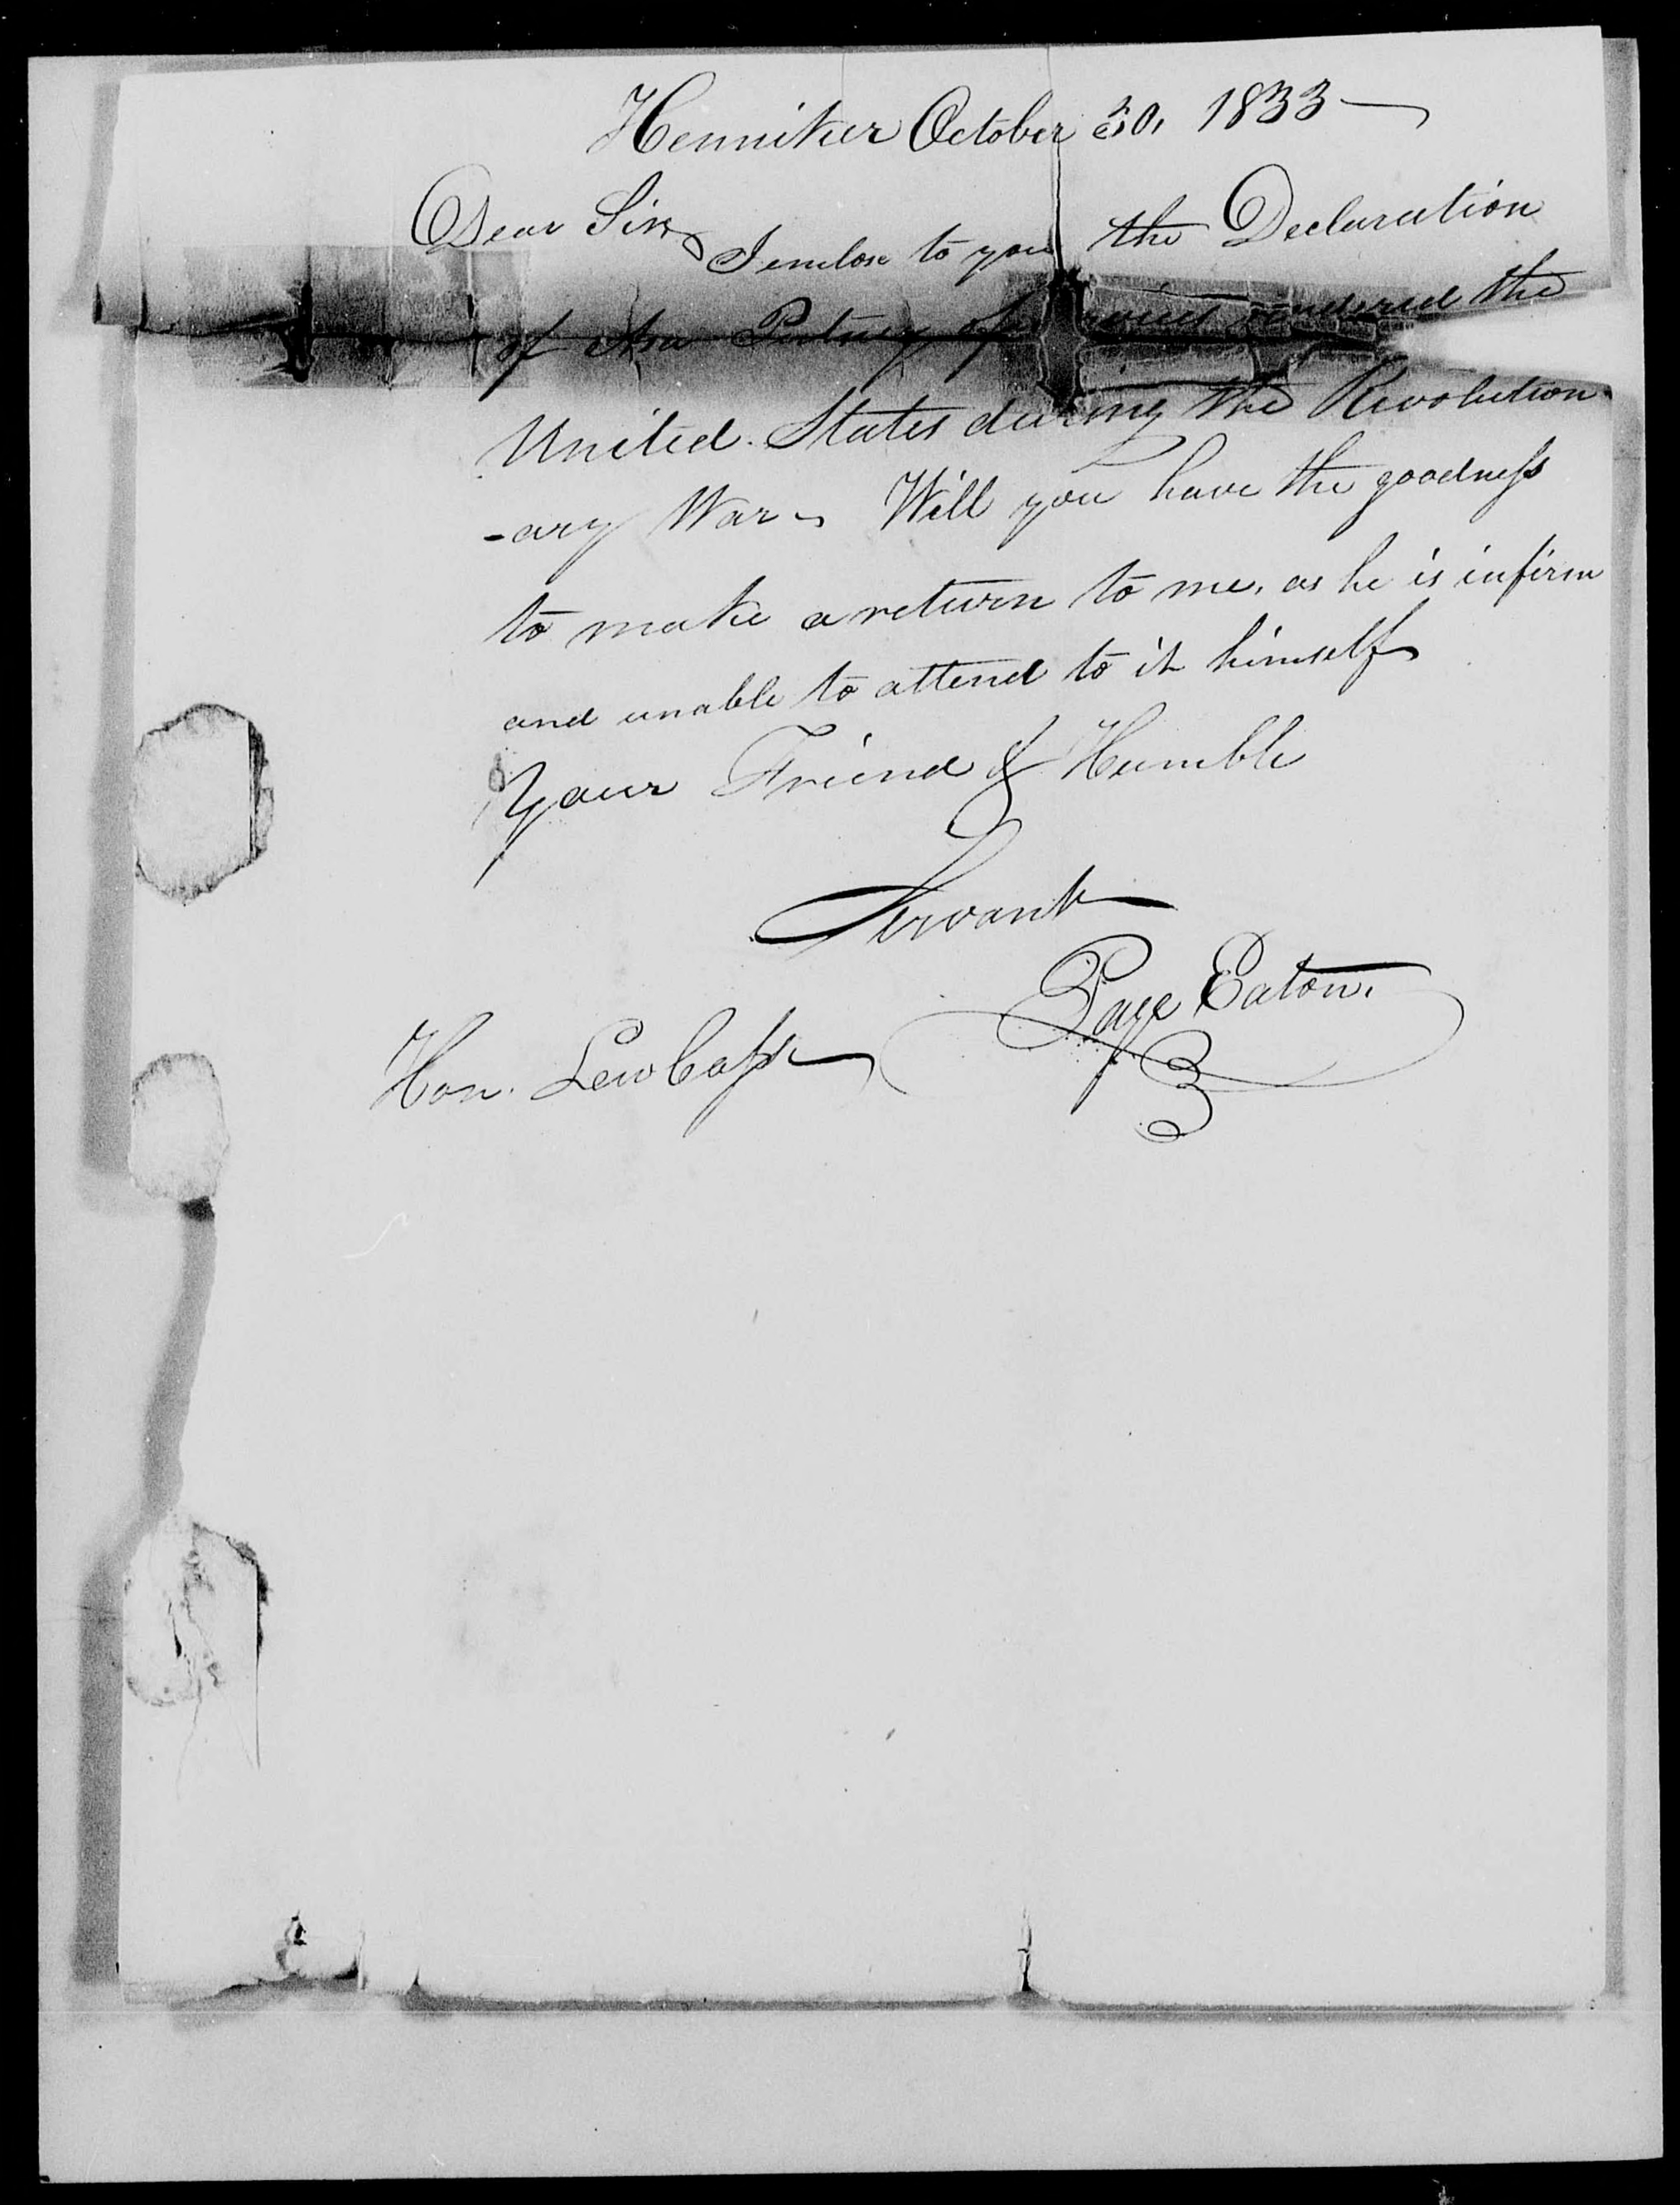Henniker   October 30, 1833--

Dear Sir,

I enclose to you the Declaration of Asa Putney of services rendered the United States during the Revolutionary War--Will you have the goodnefs to make a return to me, as he is infirm and unable to attend to it himself

Your Friend & Humble
Servant
Page Eaton.

Hon. Len Cafs--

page: 10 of 14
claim: survivor's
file: S. 22943, for Asa Putney, New Hampshire